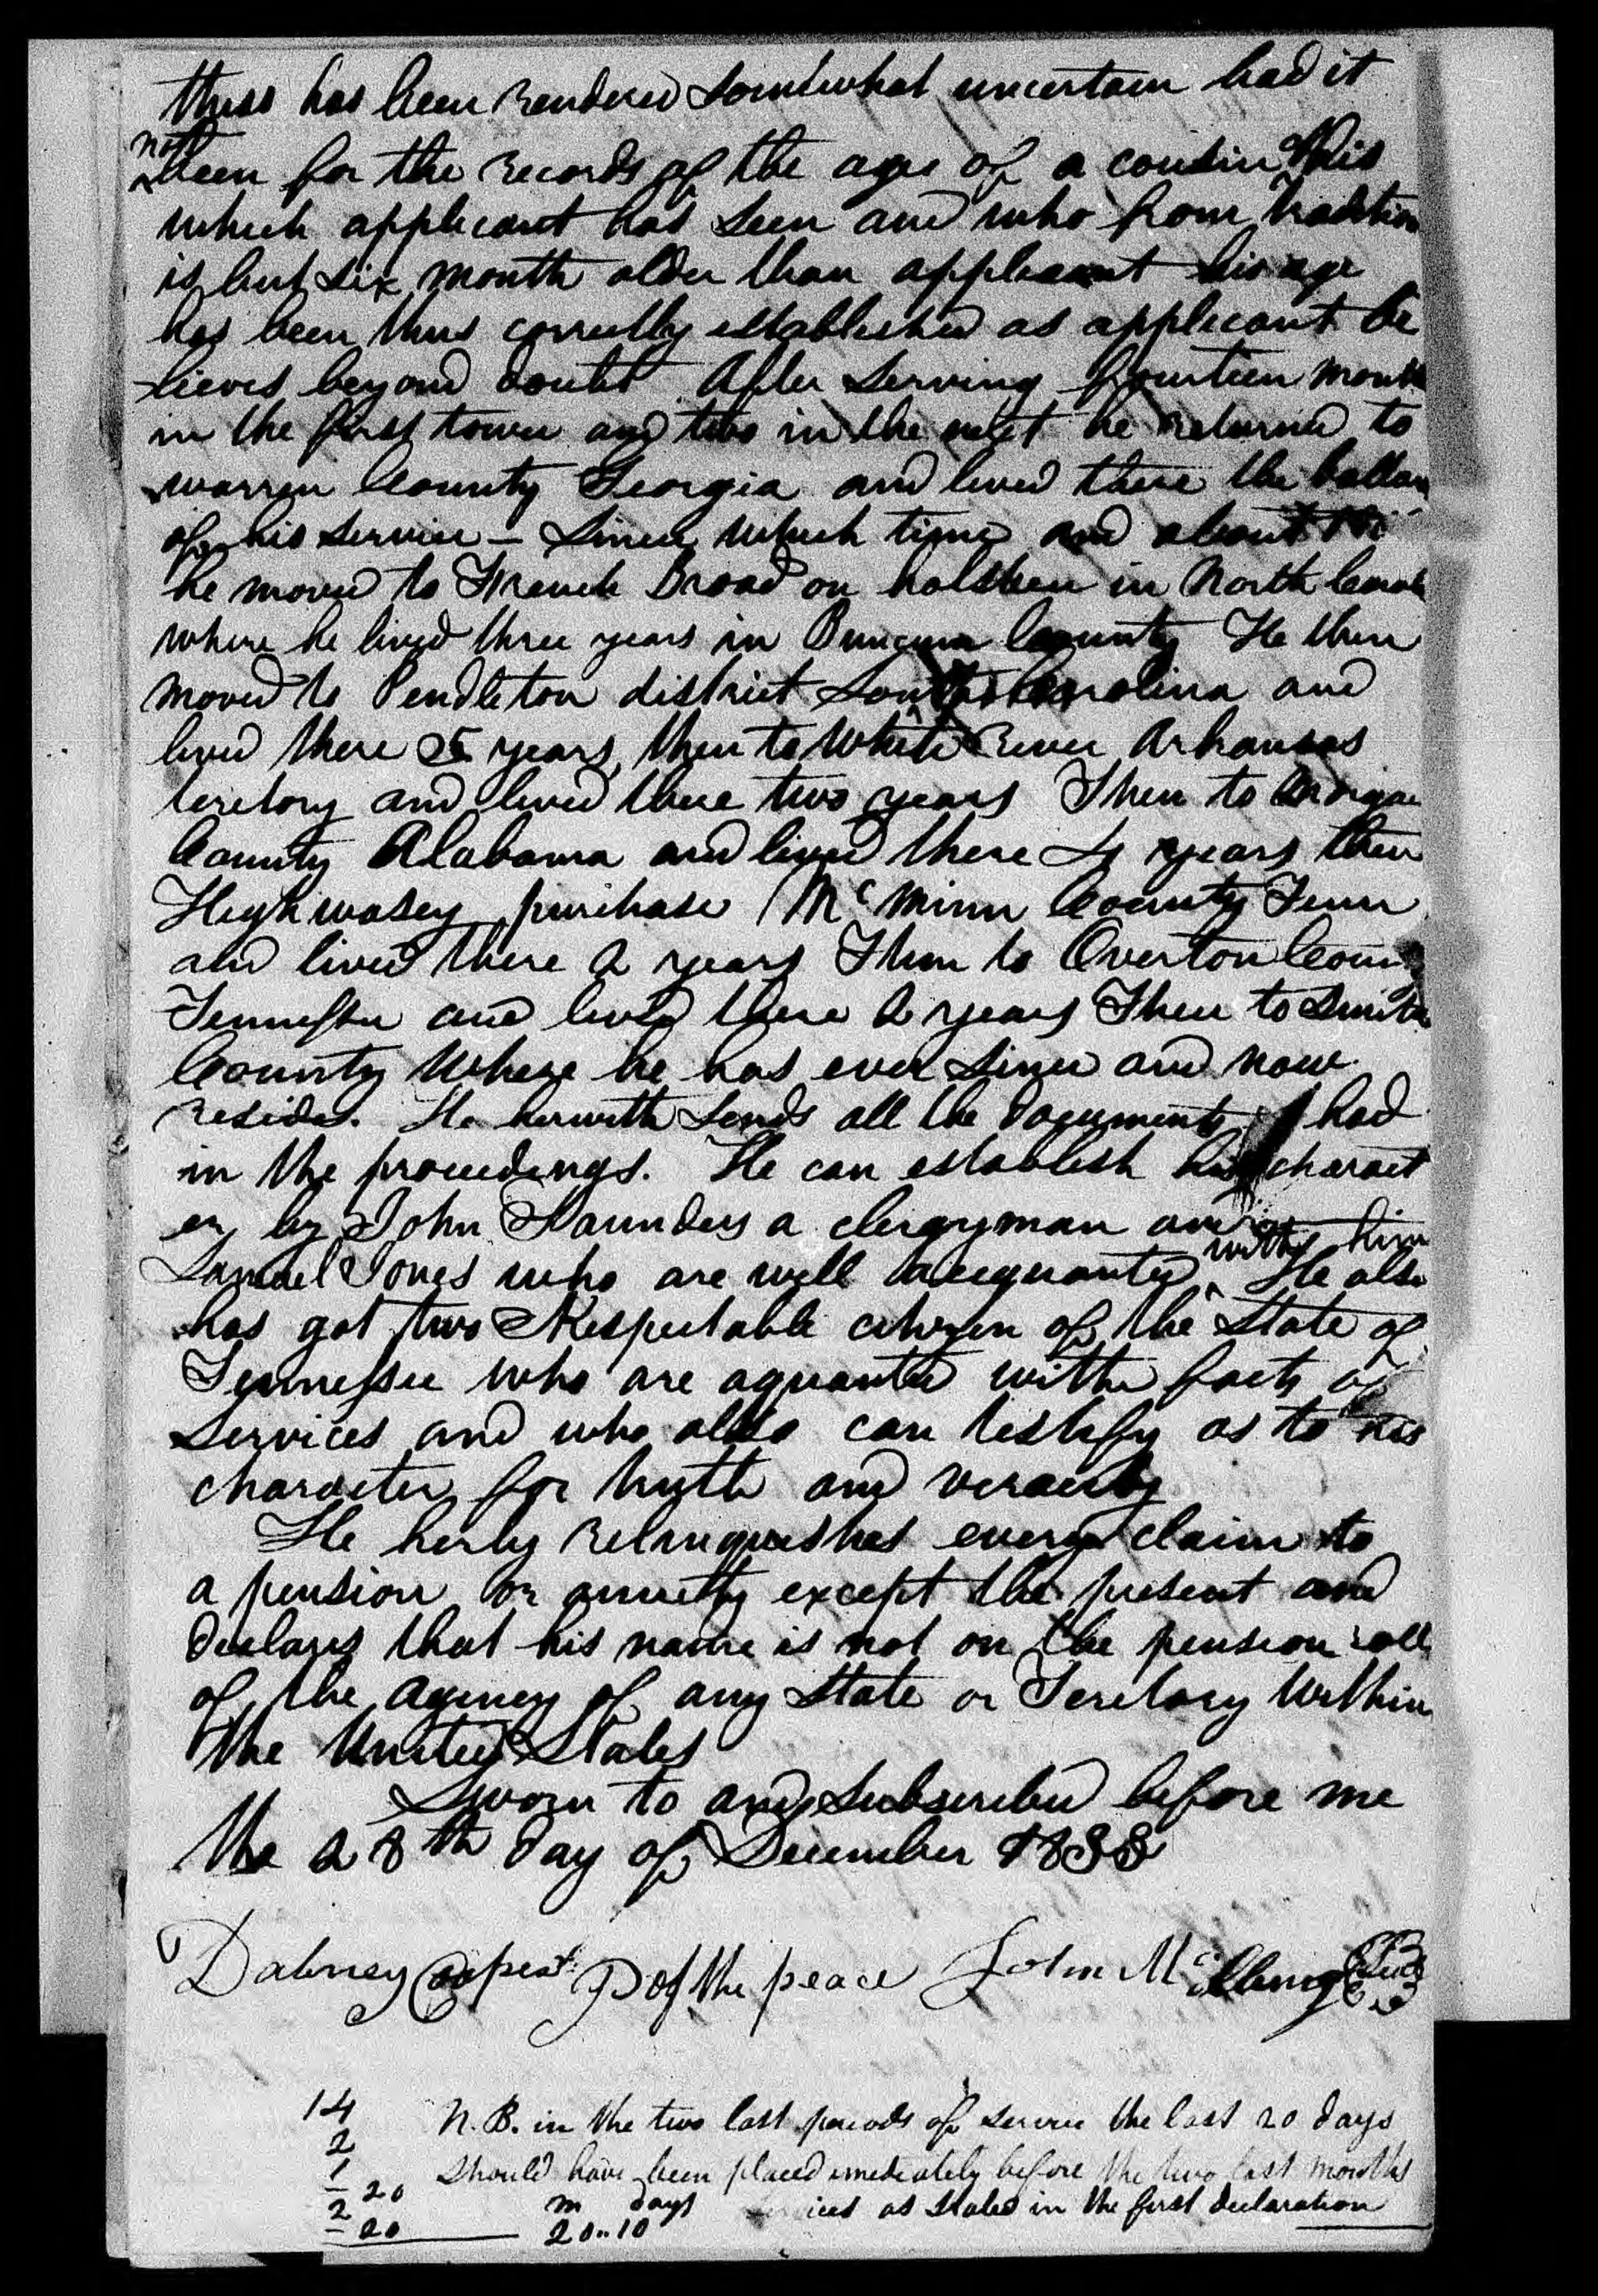there has been rendered somewhat uncertain had it not been for the records of the ages of a cousin this which applicant has seen and who from tradition is but six months older than applicant his age has been thus fully established as applicant believes, beyond doubt after serving fourteen months in the first tour and two in the next he returned to Warren County Georgia and lived there the balance of his service - Since which time and about 1790 he moved to French broad on Holston in North Carolina where he lived three years in Buncombe County He then moved to Pendleton district South Carolina and lived there 5 years, then to White River, Arkansas territory and lived there two years Then to Morgan County Alabama and lived there years then Hiawassee purchase McMinn County Tenn. and live there 2 years Then to Overton County Tennessee for 2 years Then to Smith County where he has ever since and now resides. He herewith sends all the document had in the proceedings. He can establish his character by John Saunders a Clergyman and Samuel Jones who are well acquainted with him. He also has got two Respectable citizen of the State of Tennessee who are acquainted with facts of services and who also can testify as to his character for truth and veracity

He herby relinquishes every claim to a pension or annuity except the present and declares that his name is not on the pension roll of the agency of any State or Territory Within the United States
[signed] John McClung
Sworn to and subscribed before me the 28th day of December 10
Dabney Cooper Justice of the peace

N.B. in the two last periods of service the last 20 days should have been placed immediately before the two last months service as stated in the first declaration
14
2
1
- 20
2
-20
M 20 days 10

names: John Mc Clung; John Saunders; Samuel Jones; Dabney Cooper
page: 42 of 115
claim: widow's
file: W. 1446, for John Mc Clung, South Carolina